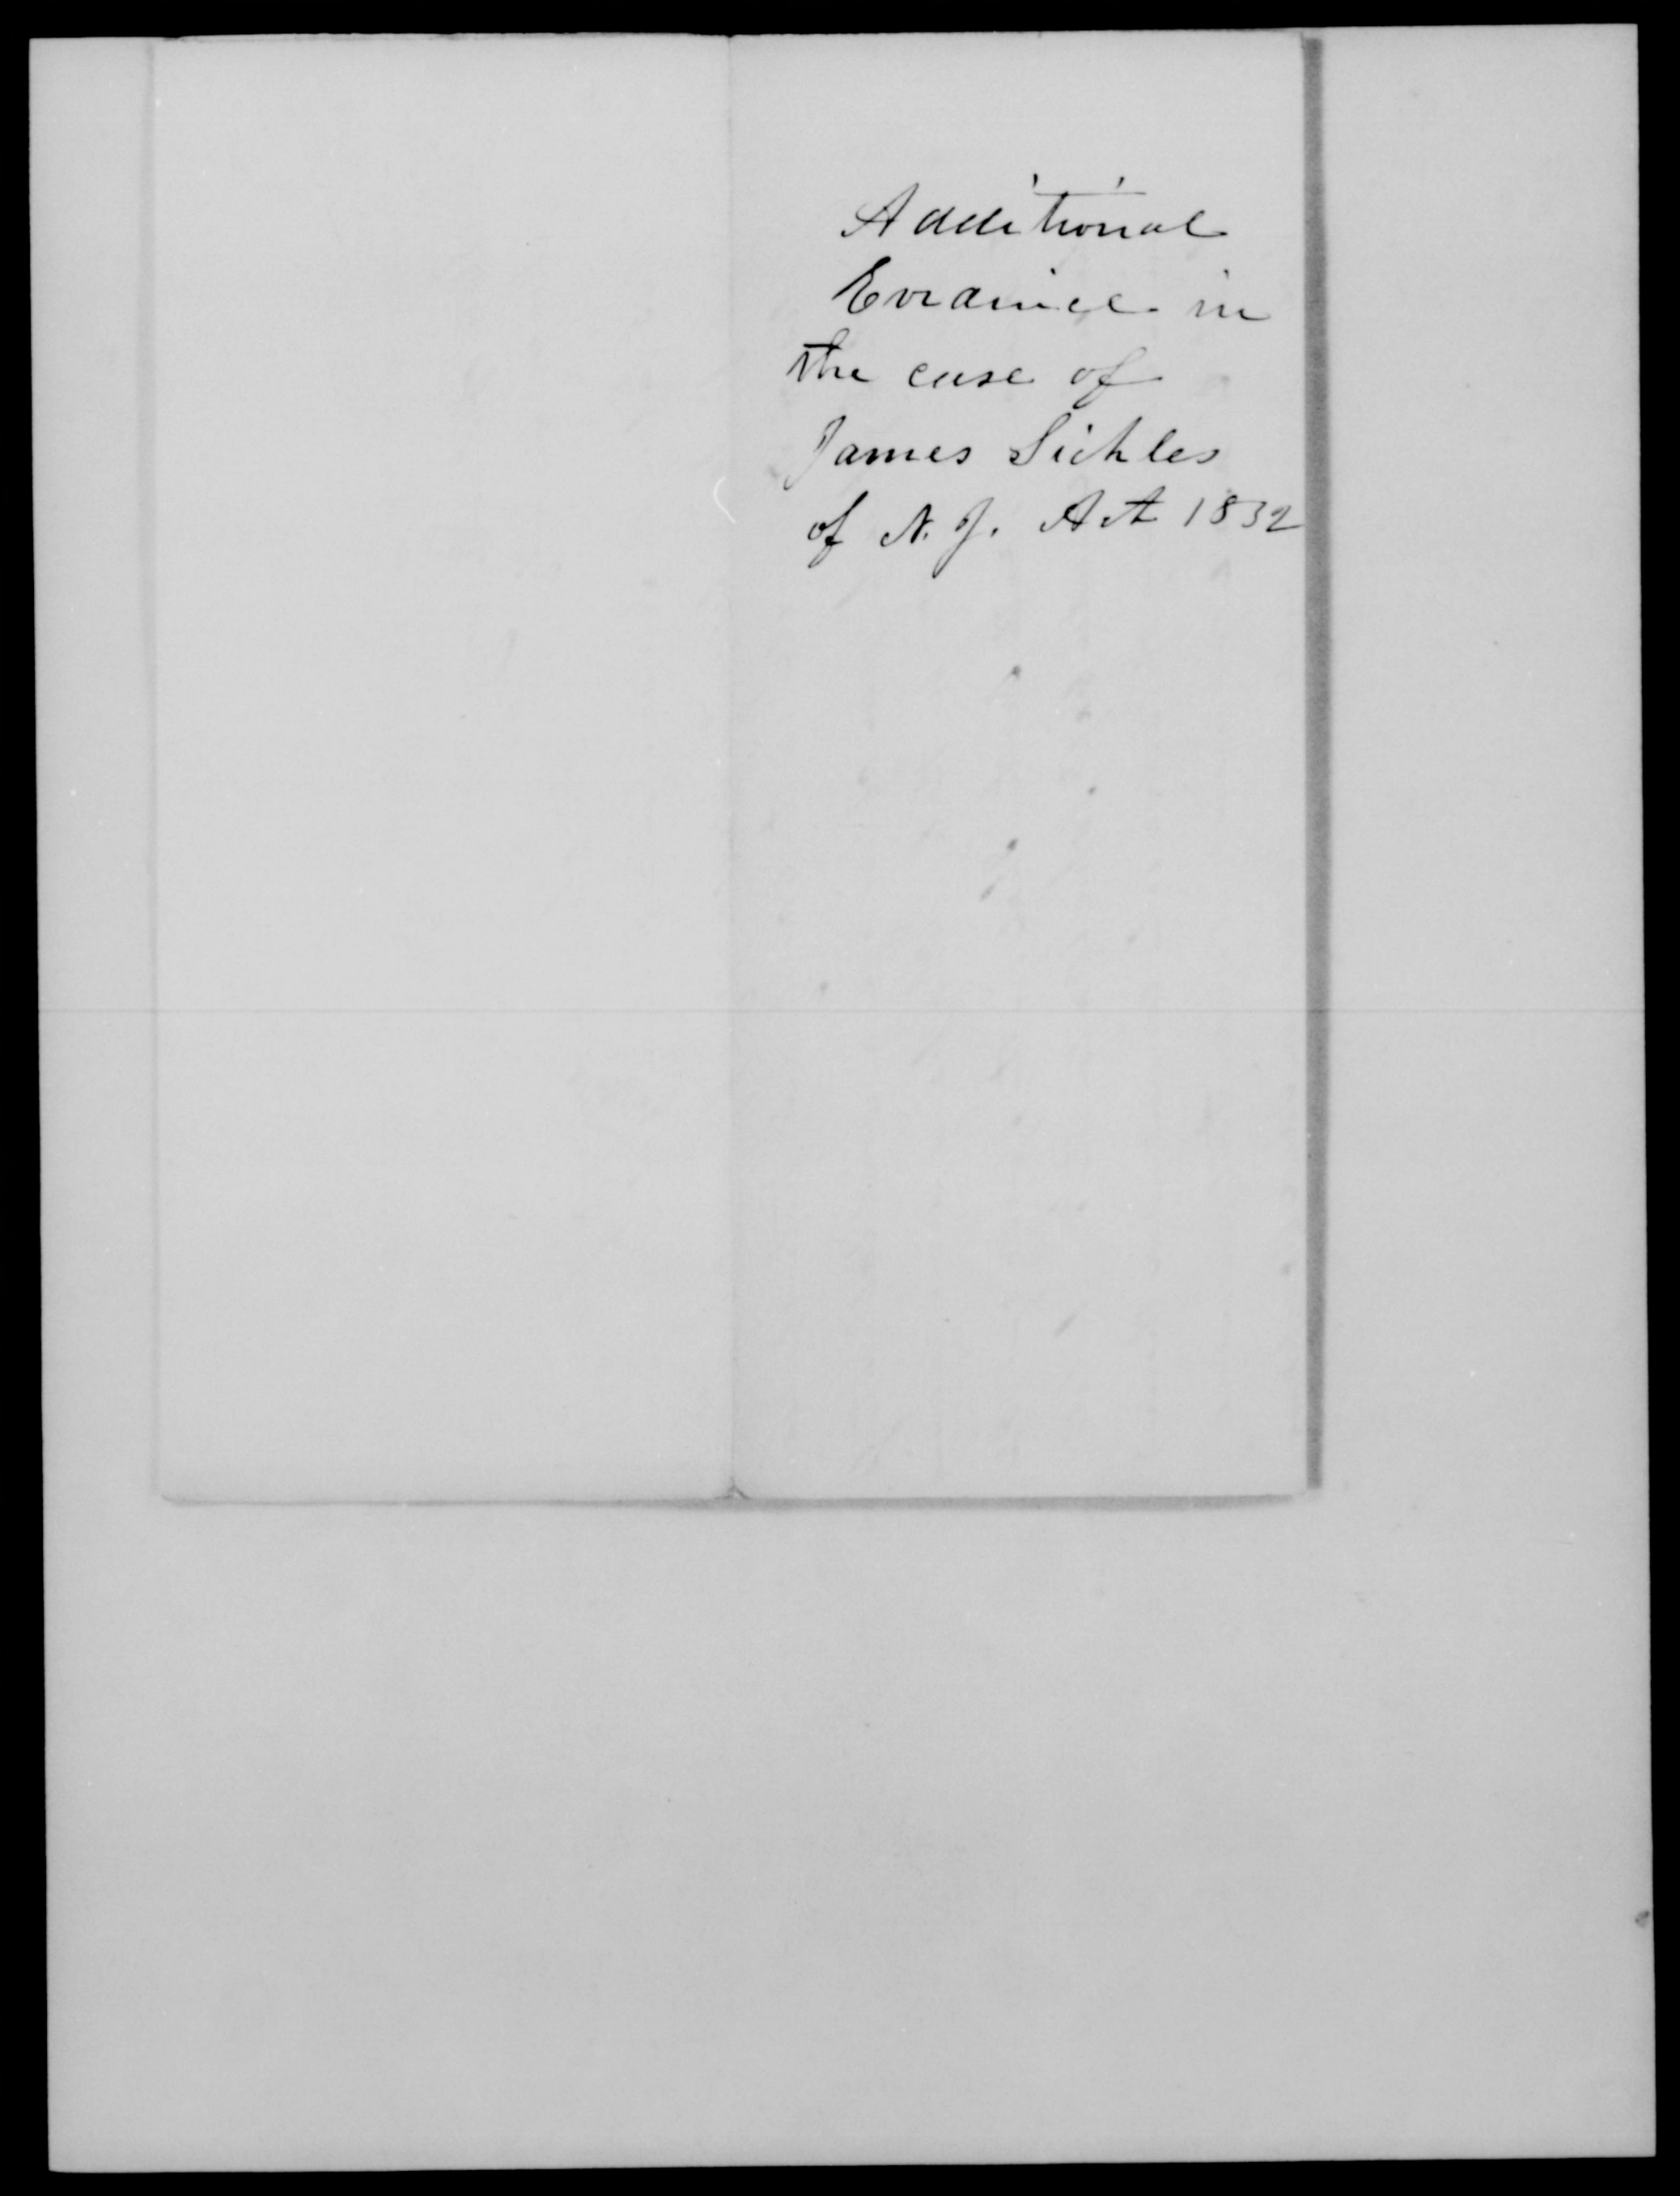Additional
Evidence in
the case of
James Sickles
of N.J. Act 1832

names: James Sichles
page: 27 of 33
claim: survivor's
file: S. 4,841, for James Sickles, New Jersey